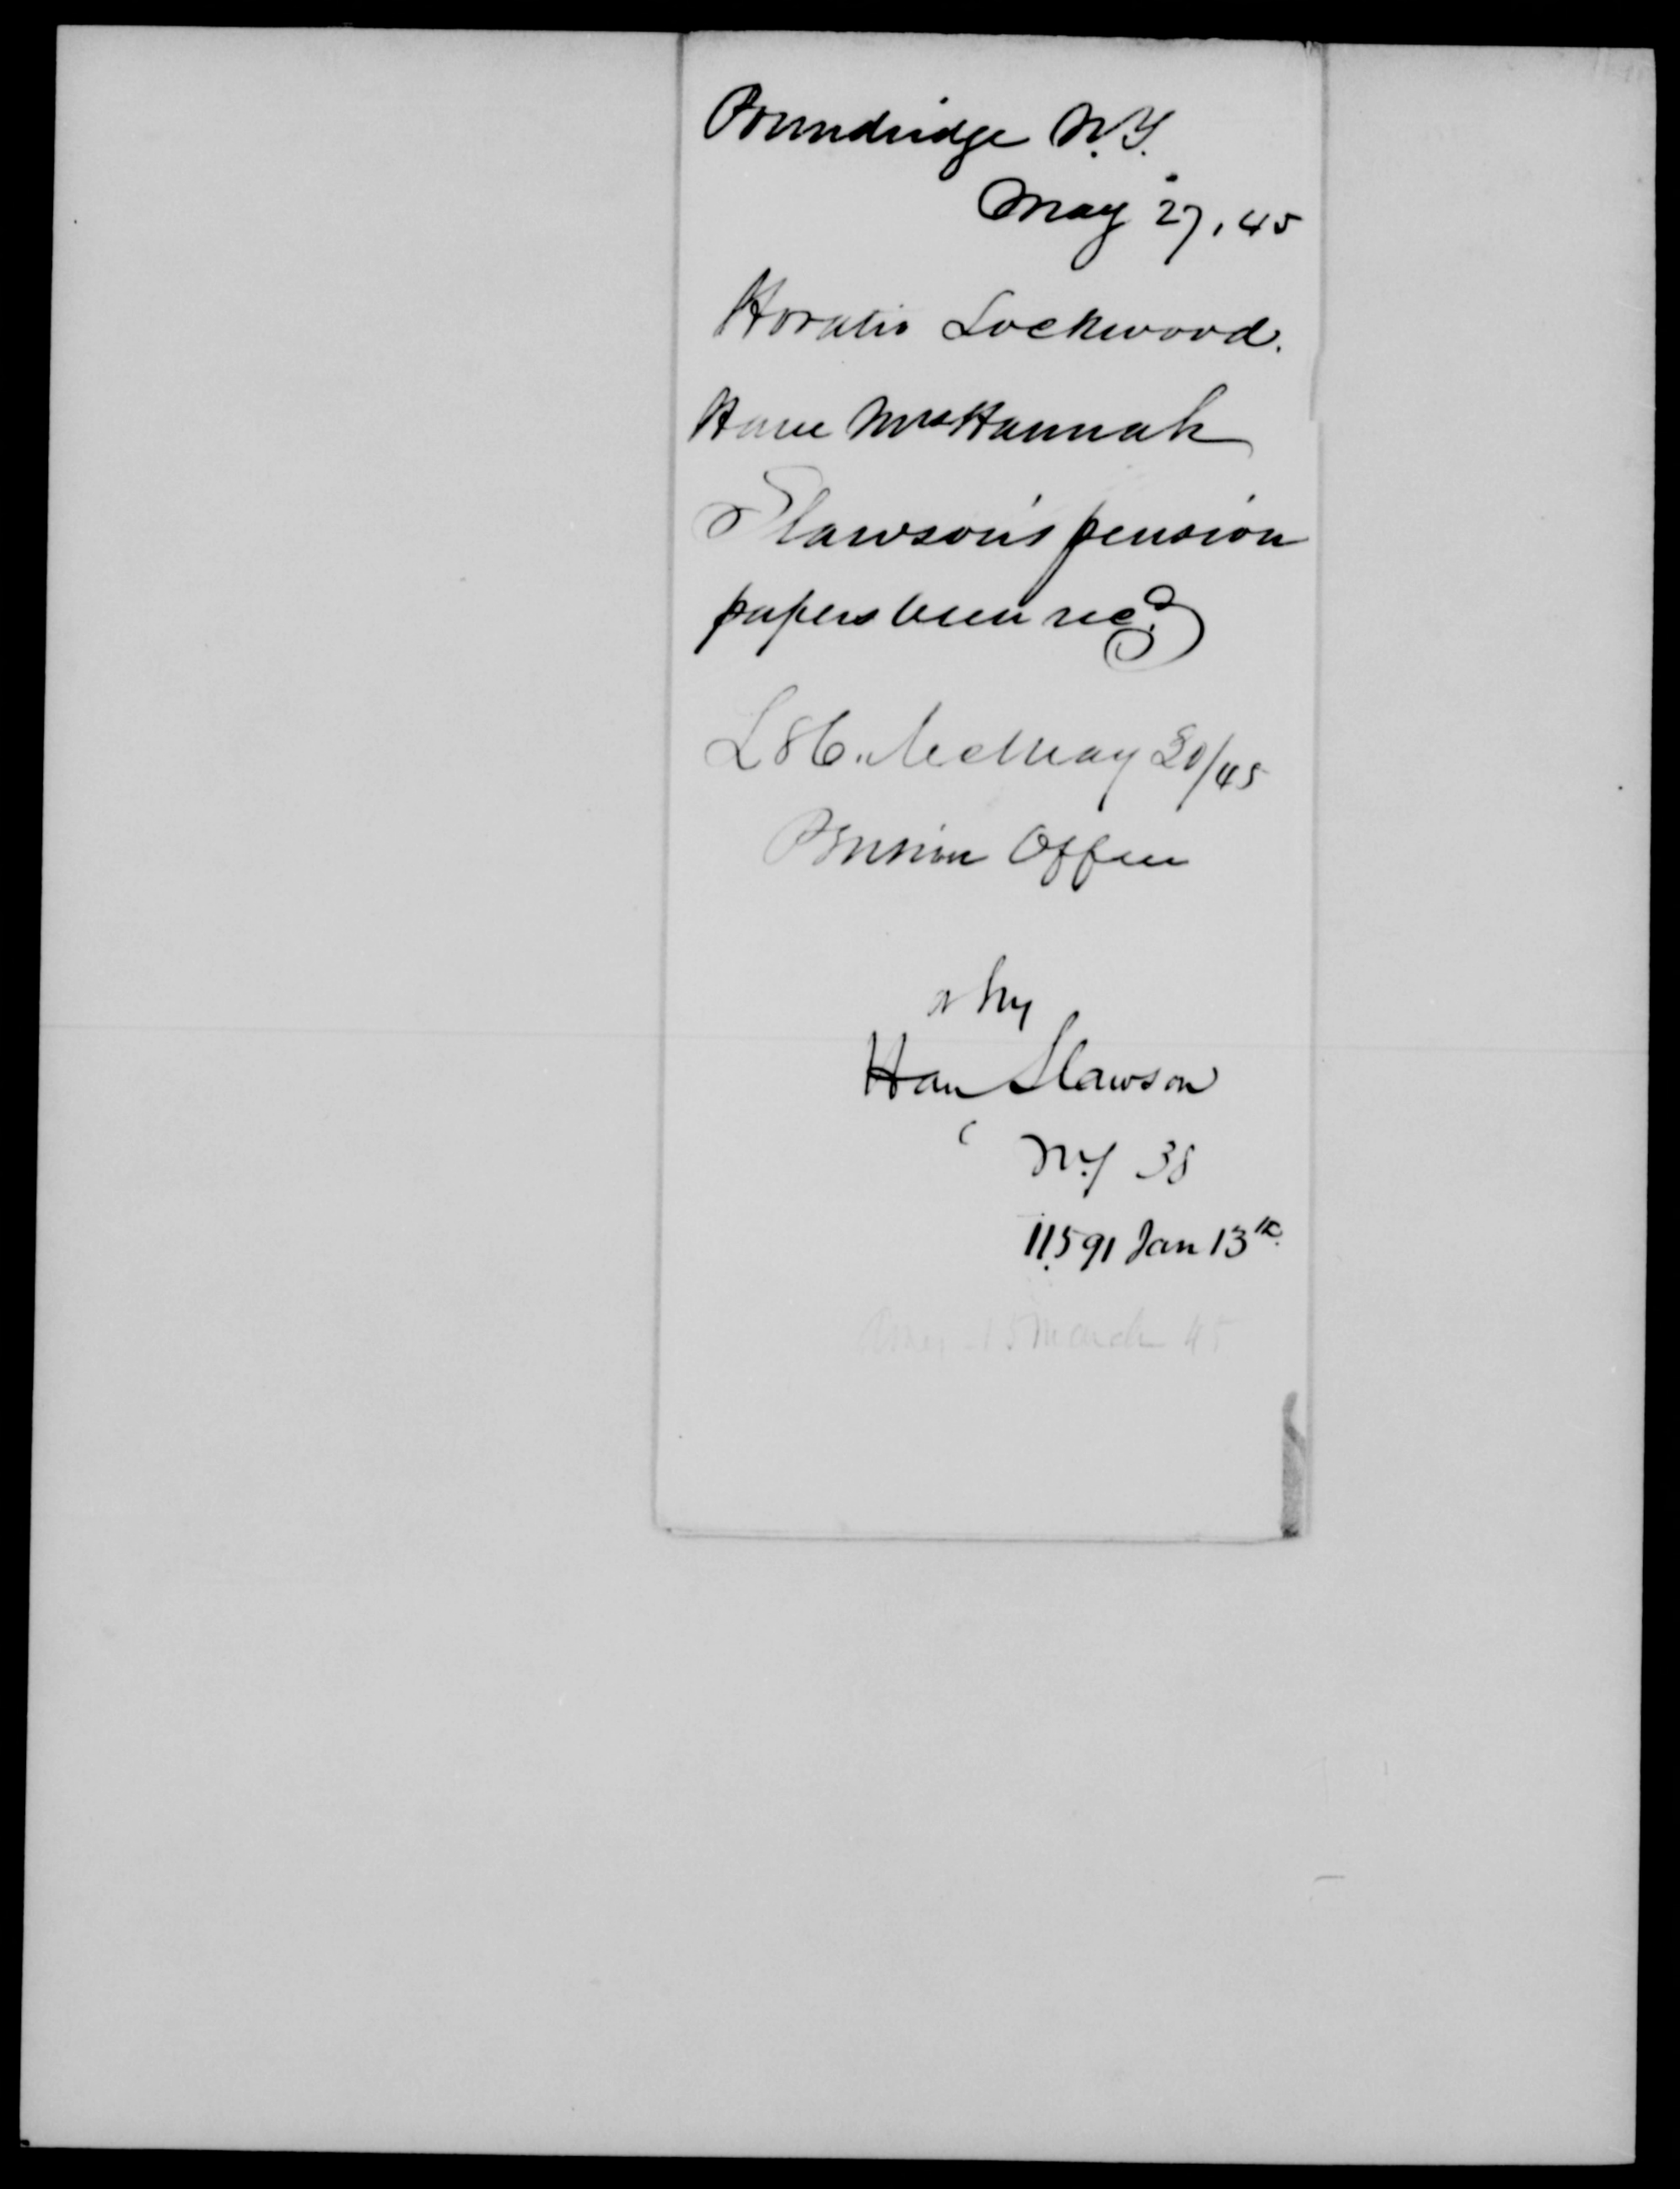Poundridge N.Y. May 17, 45 
Horatio Lockwood 
Name Mrs Hannah Slawson's pension papers been rec’d 
L86 Sec May 20/45
Pension Office 
NY 
Han Slawson 
NY. 38 
11591 Jan 13th 
[unreadable] 15  March 45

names: [BLANK] Slawson; Hannah Slawson; L H Mc May; Horatio Lockwood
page: 51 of 87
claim: widow's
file: W. 22,226, for Nathan Slawson, Connecticut